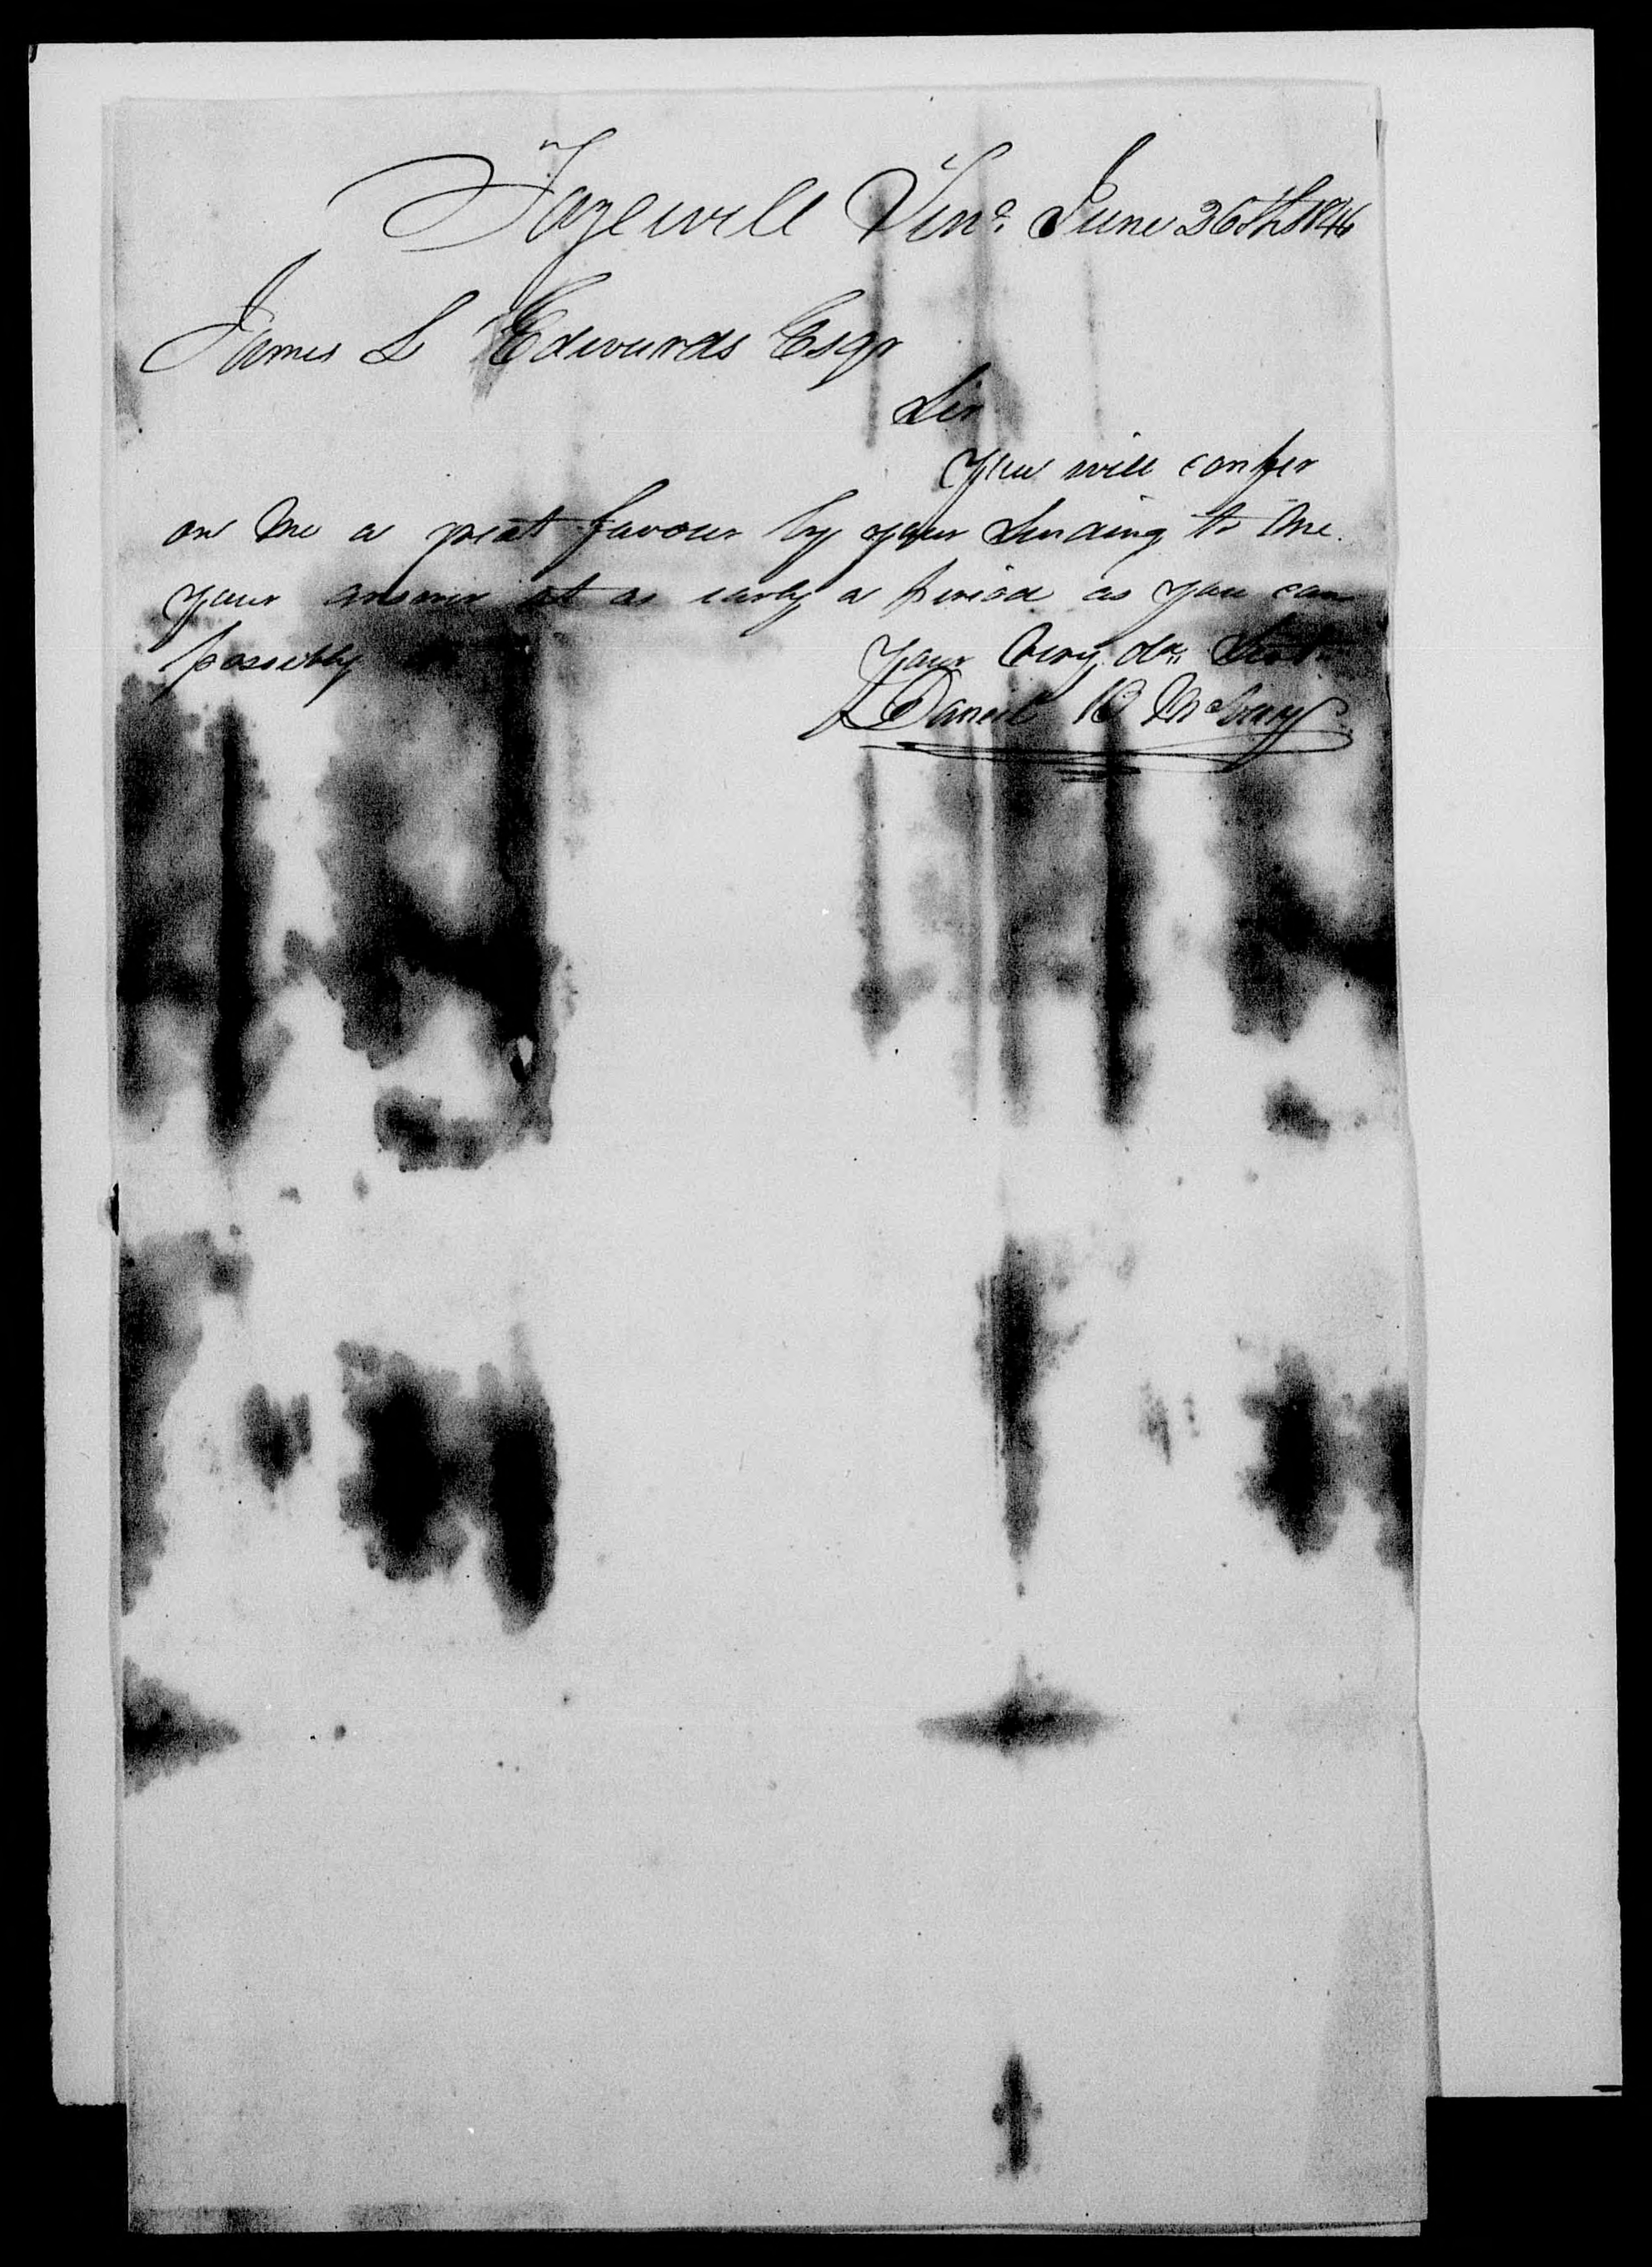Tazewell Ten'e June 26th 1846
James L Edwards Esqr

Sir
You will confer on me a great favour by again sending to me your answer at as early a period as you can

Your Very ob Servt
Daniel B McVay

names: James L Edwards, Daniel B Mc Vay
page: 21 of 81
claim: survivor's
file: S. 1908, Richard Harper, N.C.